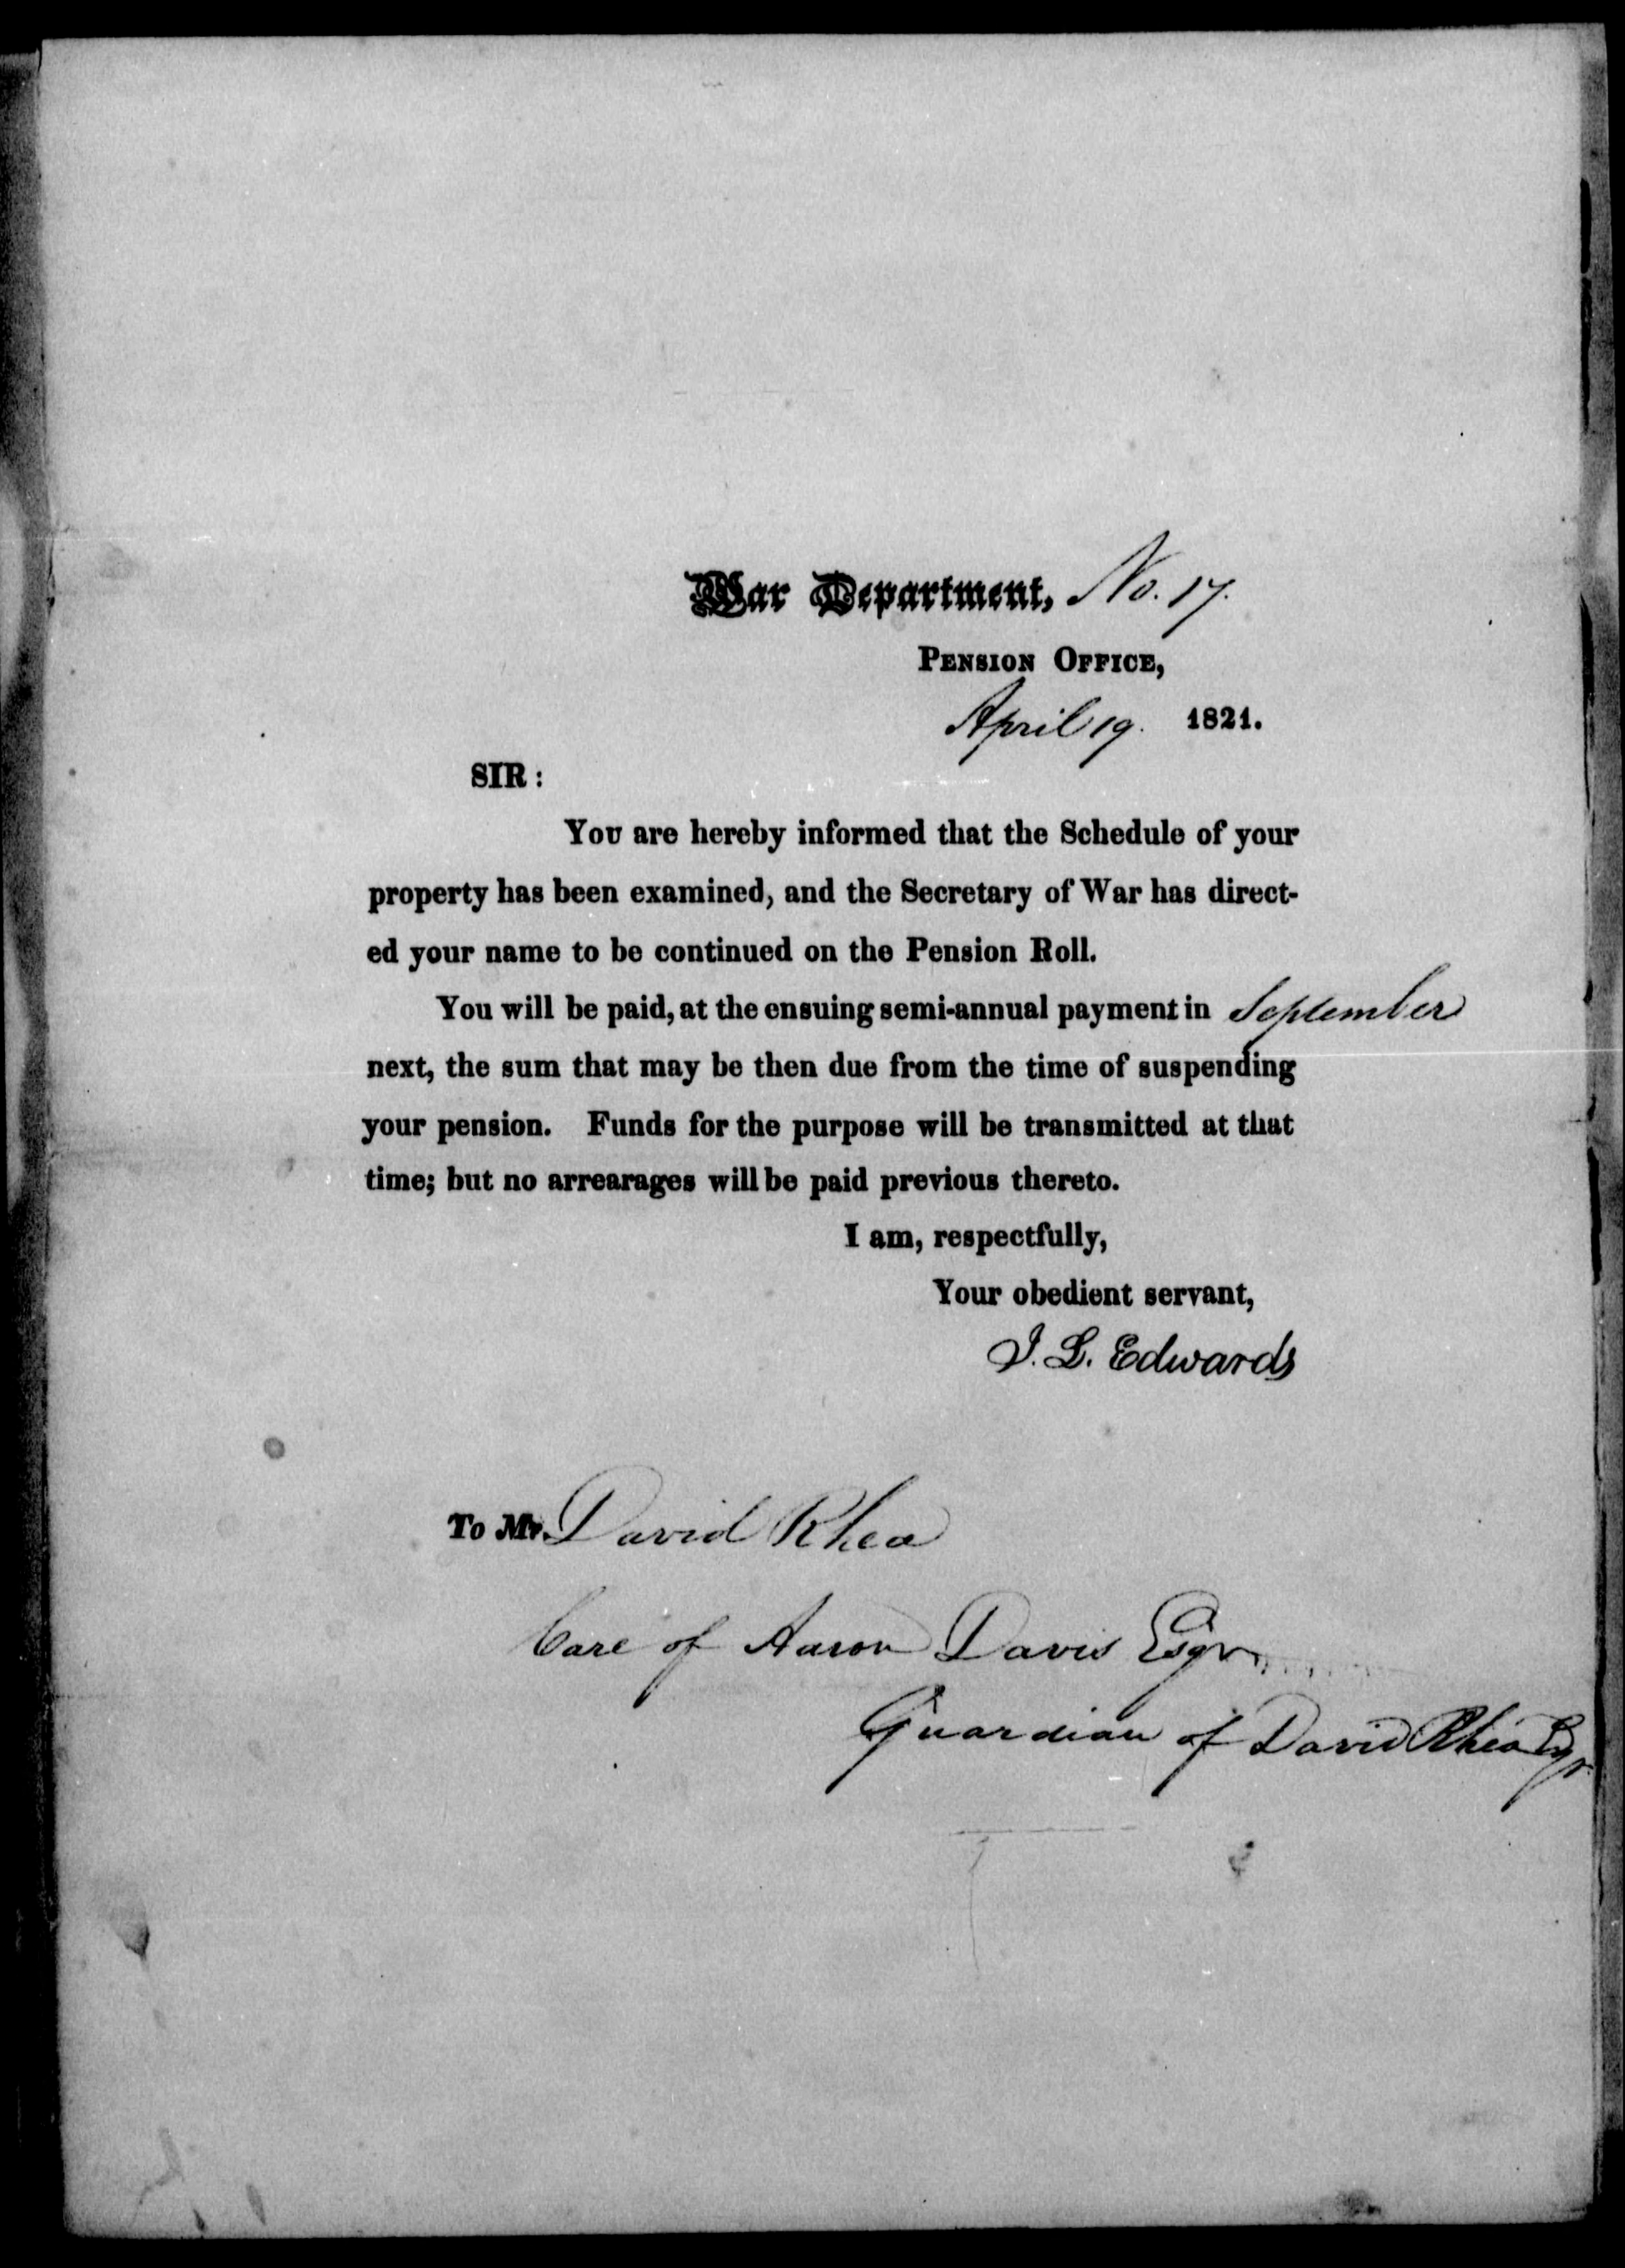War Department, No. 17.
PENSION OFFICE,
April 19 1821

SIR:

You are hereby informed that the Schedule of your
property has been examined, and the Secretary of War has directed
your name to be continued on the Pension Roll.

You will be paid, at the ensuing semi-annual payment in September
next, the sum that may be then due from the time of suspending
your pension. Funds for the purpose will be transmitted at that
time; but no arrearages will be paid previous thereto.

I am, respectfully,
Your obedient servant,
J.L. Edwards

To Mr. David Rhea
Care of Aaron Davis Esqr
Guardian of David Rhea Esqr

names: David Rhea; David Rhea; J L Edwards; Aaron Davis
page: 19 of 21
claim: survivor's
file: S. 33,554, for David Rhea, New Jersey